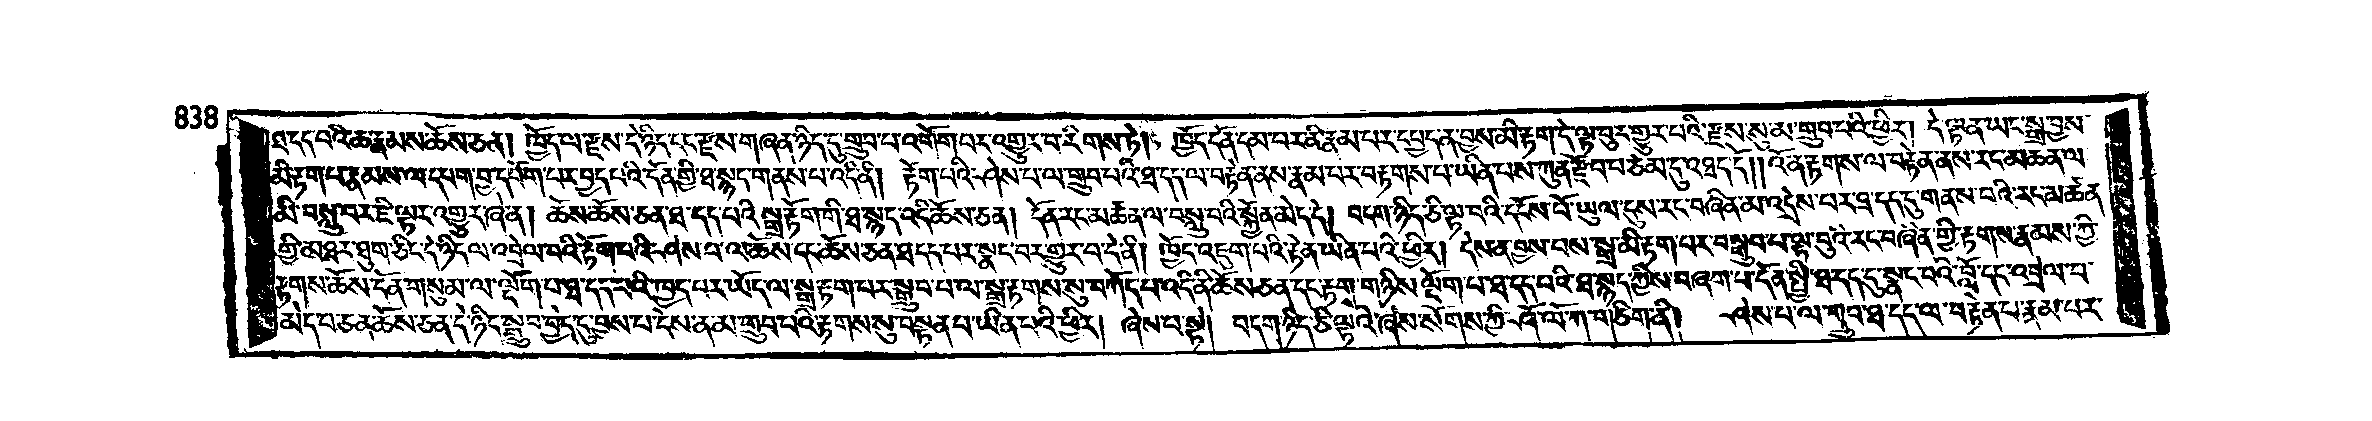ཐ་དད་པའི་ཆ་རྣམས་ཆོས་ཅན། ཁྱོད་ལ་རྫས་དེ་ཉིད་དང་རྫས་གཞན་ཉིད་དུ་གྲུབ་པ་འགོག་པར་འགྱུར་བ་རིགས་ཏེ། ཁྱོད་དོན་དམ་པར་ནི་རྣམ་པར་དབྱད་ན་བྱས་མི་རྟག་དེ་ལྟ་བུར་གྱུར་པའི་རྫས་སུ་མ་གྲུབ་པའི་ཕྱིར། དེ་ལྟ་ན་ཡང་སྒྲ་བྱས་
མི་རྟག་པ་རྣམས་ལ་དཔག་བྱ་དཔོག་པར་བྱེད་པའི་དོན་གྱི་ཐ་སྙད་གནས་པ་འདི་ནི། རྟོག་པའི་ཤེས་པ་ལ་གྲུབ་པའི་ཐ་དད་ལ་བརྟེན་ནས་རྣམ་པར་བརྟགས་པ་ཡིན་པས་ཀུན་རྫོབ་པ་ཙམ་དུ་འཐད་དོ། །འོ་ན་རྟགས་ལ་བརྟེན་ནས་རང་མཚན་ལ་
མི་བསླུ་བར་ཇི་ལྟར་འགྱུར་ཞེ་ན། ཆོས་ཆོས་ཅན་ཐ་དད་པའི་སྒྲ་རྟོག་གི་ཐ་སྙད་འདི་ཆོས་ཅན། དོན་རང་མཚན་ལ་བསླུ་བའི་སྐྱོན་མེད་དེ། བདག་ཉིད་ཅི་ལྟ་བའི་དངོས་པོ་ཡུལ་དུས་རང་བཞིན་མ་འདྲེས་པར་ཐ་དད་དུ་གནས་པའི་རང་མཚན་
གྱི་མཐར་ཐུག་ཅིང་དེ་ཉིད་ལ་འབྲེལ་བའི་རྟོག་པའི་ཤེས་པ་ལ་ཆོས་དང་ཆོས་ཅན་ཐ་དད་པར་སྣང་བར་འགྱུར་བ་དེ་ནི། ཁྱོད་འཇུག་པའི་རྟེན་ཡིན་པའི་ཕྱིར། དེས་ན་བྱས་པས་སྒྲ་མི་རྟག་པར་བསྒྲུབ་པ་ལྟ་བུའི་རང་བཞིན་གྱི་རྟགས་རྣམས་ཀྱི་
རྟགས་ཆོས་དོན་གསུམ་ལ་ལྡོག་པ་ཐ་དད་པའི་ཁྱད་པར་ཡོད་ལ་སྒྲ་རྟག་པར་སྒྲུབ་པ་ལ་སྒྲ་རྟགས་སུ་བཀོད་པའི་འདི་ནི་ཆོས་ཅན་དང་རྟག་གཉིས་ལྡོག་པ་ཐ་དད་པའི་ཐ་སྙད་ཀྱིས་བཞག་པ་དོན་སྤྱི་ཐ་དད་དུ་སྣང་བའི་བློ་དང་འབྲེལ་བ་
མེད་པ་ཅན་ཆོས་ཅན་དེ་ཉིད་སྒྲུབ་བྱེད་དུ་བྱས་པ་དེས་ན་མ་གྲུབ་པའི་རྟགས་སུ་བསྟན་པ་ཡིན་པའི་ཕྱིར། ཞེས་པ་སྟེ། བདག་ཉིད་ཅི་ལྟེའི་ཞེས་སོགས་ཀྱི་ཤོ་ལོ་ཀ་གཅིག་ནི། ཤེས་པ་ལ་གྲུབ་ཐ་དད་ལ་བརྟེན་པ་རྣམ་པར་